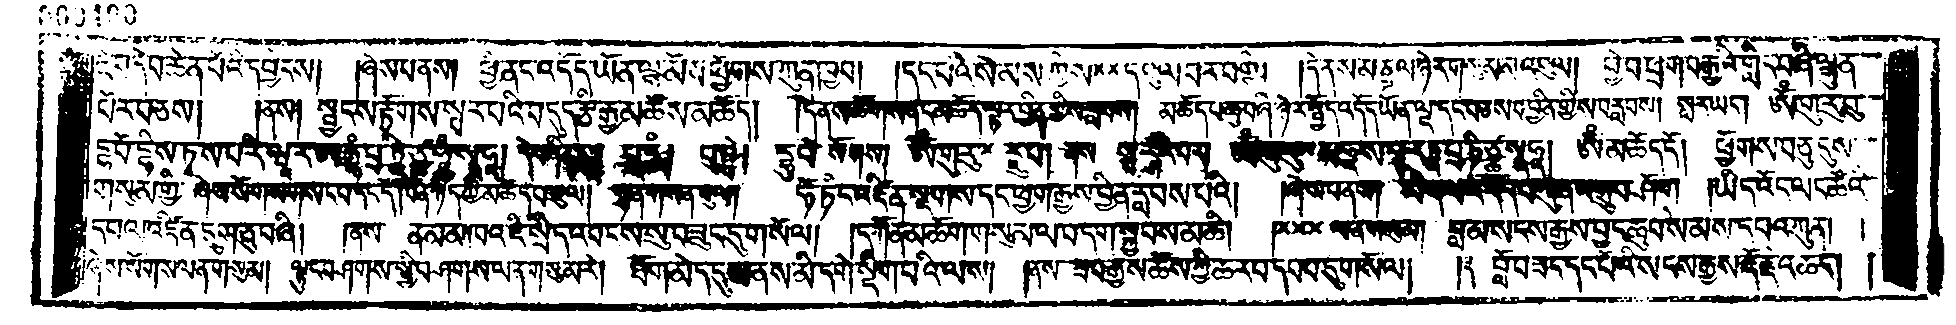རྗེ་བདེ་བ་ཆེན་པོའི་དབྱིངས། །ཞེས་པ་ནས། ཕྱི་ནང་འདོད་ཡོན་ལྷ་མོས་ཕྱོགས་ཀུན་ཁྱབ། །དང་པའི་སེམས་ཀྱིས་྾྾་དབུལ་བར་བགྱི། །དེ་ནས་མཎྜལ་ཉེར་གསུམ་མ་འབུལ། བྱེ་བ་ཕྲག་བརྒྱའི་གླིང་བཞི་ལྷུན་
པོར་བཅས། །ནས། སྦྱངས་རྟོགས་སྦར་བའི་བདུད་རྩི་རྒྱ་མཚོས་མཆོད། ། དེ་ནས་ཚོགས་ནང་མཆོད་ལྟར་བྱིན་གྱིས་རླབས། མཆོད་པ་ཆུ་བཞི་ཉེར་སྤྱོད་འདོད་ཡོན་ལྔ་དང་བཅས་པ་བྱིན་གྱིས་རླབས། སླར་ཡང་།  ཨོཾ་གུ་རུ་བུ་
དྷ་བོ་དྷི་ས་ཏྭ་ས་པ་རི་ཝཱ་ར་ཨརྒྷཾ་པྲ་ཏཱི་ཙྪ་ཧཱུཾ་སྭཱ་ཧཱ། དེ་བཞིན་དུ།  པཱ་དྱཾ། པུཥྤེ། དྷུ་པེ་སོགས། ཨོཾ་གུ་རུ྾་རཱུ་པ། ནས། སྤརྴའི་བར། ཨོཾ་གུ་རུ྾་མཧཱ་ས་པྟ་རཏྣ་པྲ་ཏི་ཙྪ་སྭཱ་ཧཱ། ཨོཾ་མཆོད་དོ། །ཕྱོགས་བཅུ་དུས་
གསུམ་གྱི་ཞེས་སོགས་གསང་བ་དང་དེ་ཁོ་ན་ཉིད་ཀྱི་མཆོད་པ་ཕུལ། སྙན་གསན་ཕུལ། ཧོ་ཏིང་འཛིན་སྔགས་དང་ཕྱག་རྒྱས་བྱིན་རླབས་པའི། །ཞེས་པ་ནས། ཡིད་ལ་འདོད་པ་ཀུན་འགྲུབ་ཤོག །ཡིད་འོང་ལང་ཚོའི་
དཔལ་འཛིན་དྲུག་ཅུ་བཞི། །ནས་ནམ་མཁའ་ཇི་སྲིད་འབངས་སུ་བཟུང་དུ་གསོལ། །དཀོན་མཆོག་གསུམ་ལ་བདག་སྐྱབས་མཆི། །྾྾྾་ལན་གསུམ།  བླ་མ་སངས་རྒྱས་བྱང་ཆུབ་སེམས་དཔའ་ཀུན། །
ཞེས་སོགས་ལན་གསུམ། ལྟུང་བཤགས་སྤྱི་བཤགས་ལན་གསུམ་རེ།  ཐོག་མེད་དུས་ནས་མི་དགེ་སྡིག་པའི་ལས། ནས་ཟབ་རྒྱས་ཆོས་ཀྱི་ཆར་བ་དབབ་དུ་གསོལ། །བློ་བཟང་དང་པོའི་སངས་རྒྱས་རྡོ་རྗེ་འཆང་། །